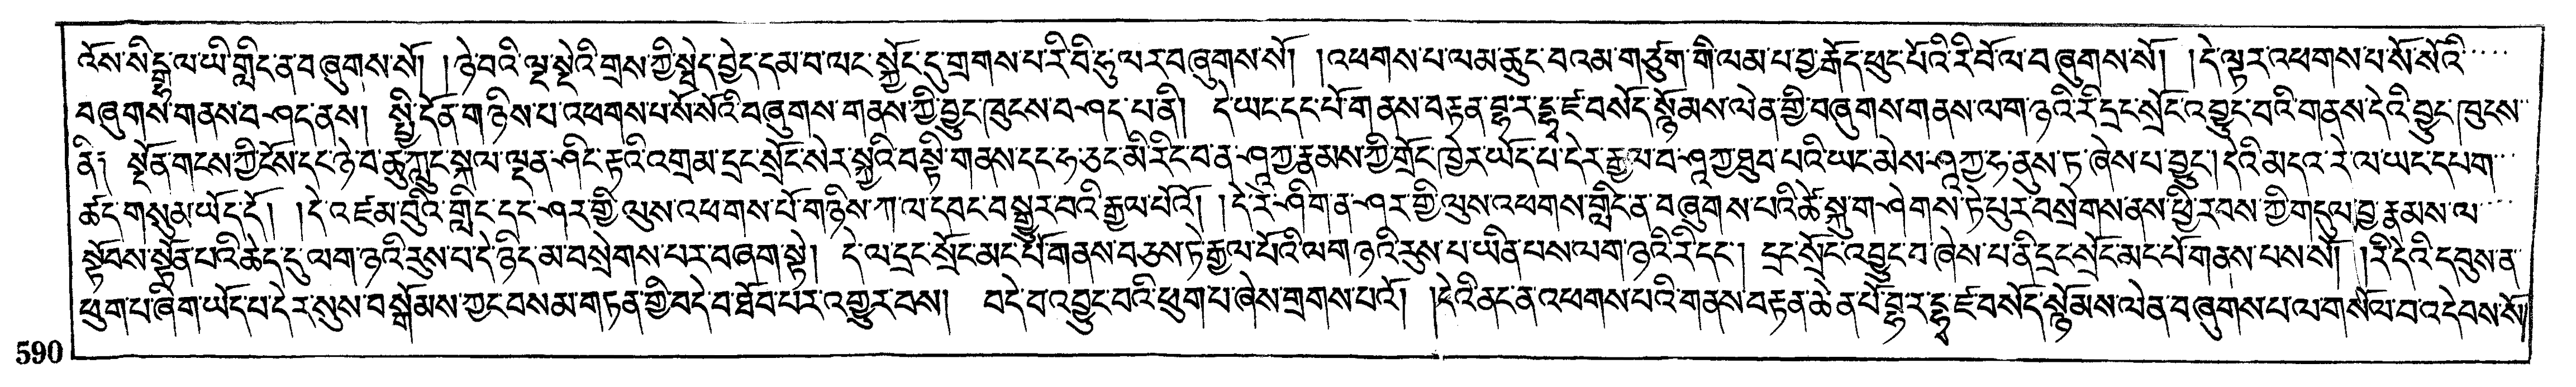འོས་སིངྒྷ་ལ་ཡི་གླིང་ན་བཞུགས་སོ། །ཉེ་བའི་ལྔ་སྡེའི་གྲས་ཀྱི་སྦེད་བྱེད་དམ་བ་ལང་སྐྱོང་དུ་གྲགས་པ་རི་བི་ཧུ་ལར་བཞུགས་སོ། །འཕགས་པ་ལམ་ཆུང་བའམ་གཙུག་གི་ལམ་བ་བྱ་རྒོད་ཕུང་པོའི་རི་བོ་ལ་བཞུགས་སོ། །དེ་ལྟར་འཕགས་པ་སོ་སོའི་
བཞུགས་གནས་བཤད་ནས། སྤྱི་དོན་གཉིས་པ་འཕགས་པ་སོ་སོའི་བཞུགས་གནས་ཀྱི་བྱུང་ཁུངས་བཤད་པ་ནི། དེ་ཡང་དང་པོ་གནས་བརྟན་བྷ་ར་དྷྭ་ཛ་བསོད་སྙོམས་ལེན་གྱི་བཞུགས་གནས་ལག་ཉའི་རི་དྲང་སྲོང་འབྱུང་བའི་གནས་དེའི་བྱུང་ཁུངས་
ན༑ སྔོན་གངས་ཀྱི་ངོས་དང་ཉེ་བ་ཆུ་ཀླུང་སྐལ་ལྡན་ཤིང་རྟའི་འགྲམ་དྲང་སྲོང་སེར་སྐྱའི་བསྟི་གནས་དང་ཧ་ཅང་མི་རིང་པ་ན་ཤཱཀྱ་རྣམས་ཀྱི་གྲོང་ཁྱེར་ཡོད་པ་དེར་རྒྱལ་བ་ཤཱཀྱ་ཐུབ་པའི་ཡང་མེས་ཤཱཀྱ་ཧ་ནུས་ཏ་ཞེས་པ་བྱུང་། དེའི་མངའ་རེ་ལ་ཡང་དཔག་
ཚད་གསུམ་ཡོད་དོ། །དེ་འཛམ་བུའི་གླིང་དང་ཤར་གྱི་ལུས་འཕགས་པོ་གཉིས་ཀ་ལ་དབང་བསྒྱུར་བའི་རྒྱལ་པོའི། །དེ་རེ་ཤིག་ན་ཤར་གྱི་ལུས་འཕགས་གླིང་ན་བཞུགས་པའི་ཚེ་སྐུ་གཤེགས་ཏེ་པུར་བསྲེགས་ནས་ཕྱི་རབས་ཀྱི་གདུལ་བྱ་རྣམས་ལ་
སྟོབས་སྟོན་པའི་ཆེད་དུ་ལག་ཉའི་རུས་པ་དེ་ཉིད་མ་བསྲེགས་པར་བཞག་སྟེ། དེ་ལ་དྲང་སྲོང་མང་པོ་གནས་བཅས་ཏེ་རྒྱལ་པོའི་ལག་ཉའི་རུས་པ་ཡིན་པས་ལག་ཉའི་རི་དང་། དྲང་སྲོང་འབྱུང་བ་ཞེས་པ་ནི་དྲང་སྲོང་མང་པོ་གནས་པས་སོ། །རི་དེའི་དབུས་ན་
ཕུག་པ་ཞིག་ཡོད་པ་དེར་སུས་བསྒོམས་ཀྱང་བསམ་གཏན་གྱི་བདེ་བ་ཐོབ་པར་འགྱུར་པས། བདེ་བ་འབྱུང་བའི་ཕུག་པ་ཞེས་གྲགས་བའོ། །དེའི་ནང་ན་འཕགས་པའི་གནས་བརྟན་ཆེན་པོ་བྷ་ར་དྷྭ་ཛ་བསོད་སྙོམས་ལེན་བཞུགས་པ་ལ་གསོལ་བ་འདེབས་སོ་